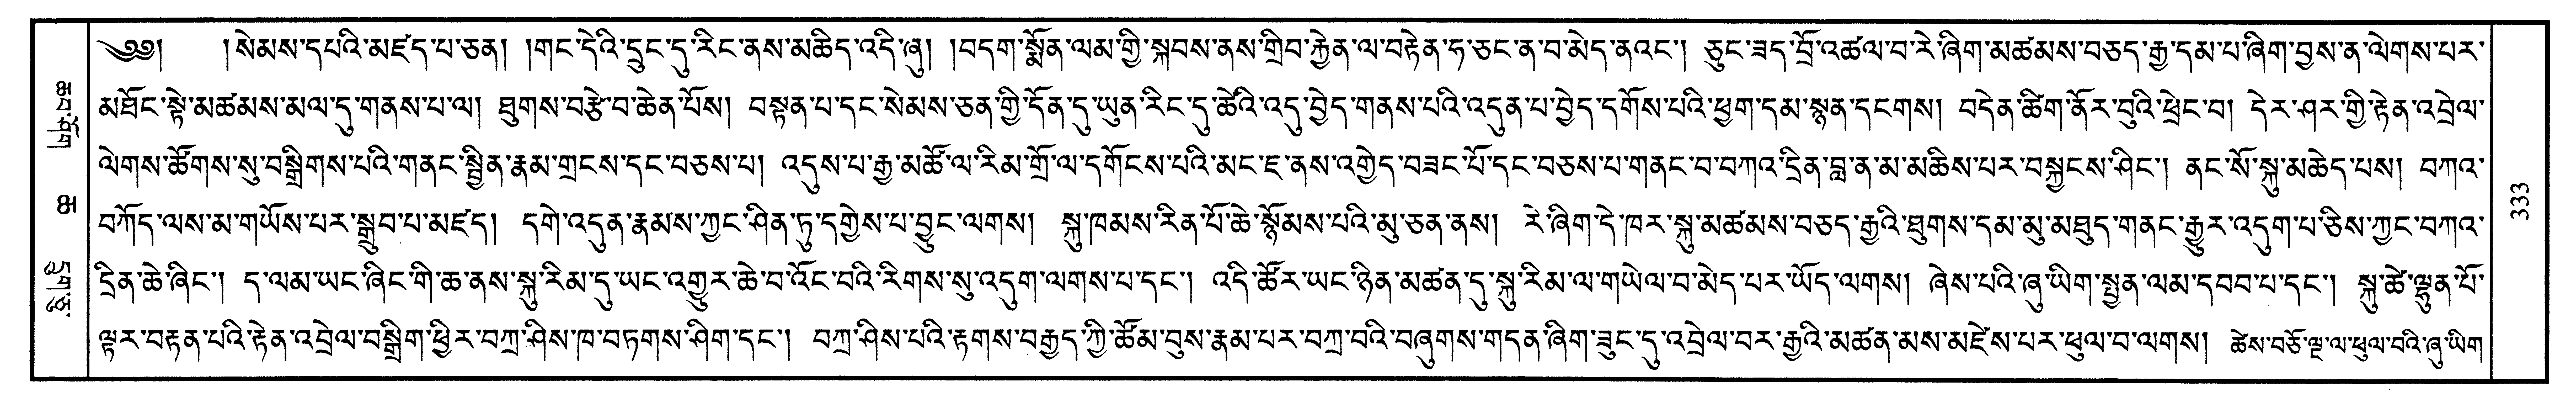༄༅། །སེམས་དཔའི་མཛད་པ་ཅན། །གང་དེའི་དྲུང་དུ་རིང་ནས་མཆིད་འདི་ཞུ། །བདག་སྨོན་ལམ་གྱི་སྐབས་ནས་གྲིབ་རྐྱེན་ལ་བརྟེན་ཧ་ཅང་ན་བ་མེད་ནའང་། ཅུང་ཟད་བྲོ་འཚལ་བ་རེ་ཞིག་མཚམས་བཅད་རྒྱ་དམ་པ་ཞིག་བྱས་ན་ལེགས་པར་
མཐོང་སྟེ་མཚམས་མལ་དུ་གནས་པ་ལ། ཐུགས་བརྩེ་བ་ཆེན་པོས། །བསྟན་པ་དང་སེམས་ཅན་གྱི་དོན་དུ་ཡུན་རིང་དུ་ཚེའི་འདུ་བྱེད་གནས་པའི་འདུན་པ་བྱེད་དགོས་པའི་ཕྱག་དམ་སྙན་དངགས། བདེན་ཚིག་ནོར་བུའི་ཕྲེང་བ། དེར་ཤར་གྱི་རྟེན་འབྲེལ་
ལེགས་ཚོགས་སུ་བསྒྲིགས་པའི་གནང་སྦྱིན་རྣམ་གྲངས་དང་བཅས་པ། འདུས་པ་རྒྱ་མཚོ་ལ་རིམ་གྲོ་ལ་དགོངས་པའི་མང་ཇ་ནས་འགྱེད་བཟང་པོ་དང་བཅས་པ་གནང་བ་བཀའ་དྲིན་བླ་ན་མ་མཆིས་པར་བསྐྱངས་ཤིང་། ནང་སོ་སྐུ་མཆེད་པས། བཀའ་
བཀོད་ལས་མ་གཡོས་པར་སྒྲུབ་པ་མཛད། དགེ་འདུན་རྣམས་ཀྱང་ཤིན་ཏུ་དགྱེས་པ་བྱུང་ལགས། སྐུ་ཁམས་རིན་པོ་ཆེ་སྙོམས་པའི་མུ་ཅན་ནས། རེ་ཞིག་དེ་ཁར་སྐུ་མཚམས་བཅད་རྒྱའི་ཐུགས་དམ་མུ་མཐུད་གནང་རྒྱུར་འདུག་པ་ཅིས་ཀྱང་བཀའ་
དྲིན་ཆེ་ཞིང་། ད་ལམ་ཡང་ཞིང་གི་ཆ་ནས་སྐུ་རིམ་དུ་ཡང་འགྱུར་ཆེ་བ་འོང་བའི་རིགས་སུ་འདུག་ལགས་པ་དང་། འདི་ཚོར་ཡང་ཉིན་མཚན་དུ་སྐུ་རིམ་ལ་གཡེལ་བ་མེད་པར་ཡོད་ལགས། ཞེས་པའི་ཞུ་ཡིག་སྤྱན་ལམ་དབབ་པ་དང་། སྐུ་ཚེ་ལྷུན་པོ་
ལྟར་བརྟན་པའི་རྟེན་འབྲེལ་བསྒྲིག་ཕྱིར་བཀྲ་ཤིས་ཁ་བཏགས་ཤིག་དང་། བཀྲ་ཤིས་པའི་རྟགས་བརྒྱད་ཀྱི་ཚོམ་བུས་རྣམ་པར་བཀྲ་བའི་བཞུགས་གདན་ཞིག་ཟུང་དུ་འབྲེལ་བར་རྒྱའི་མཚན་མས་མཛེས་པར་ཕུལ་བ་ལགས། ཚེས་བཅོ་ལྔ་ལ་ཕུལ་བའི་ཞུ་ཡིག་